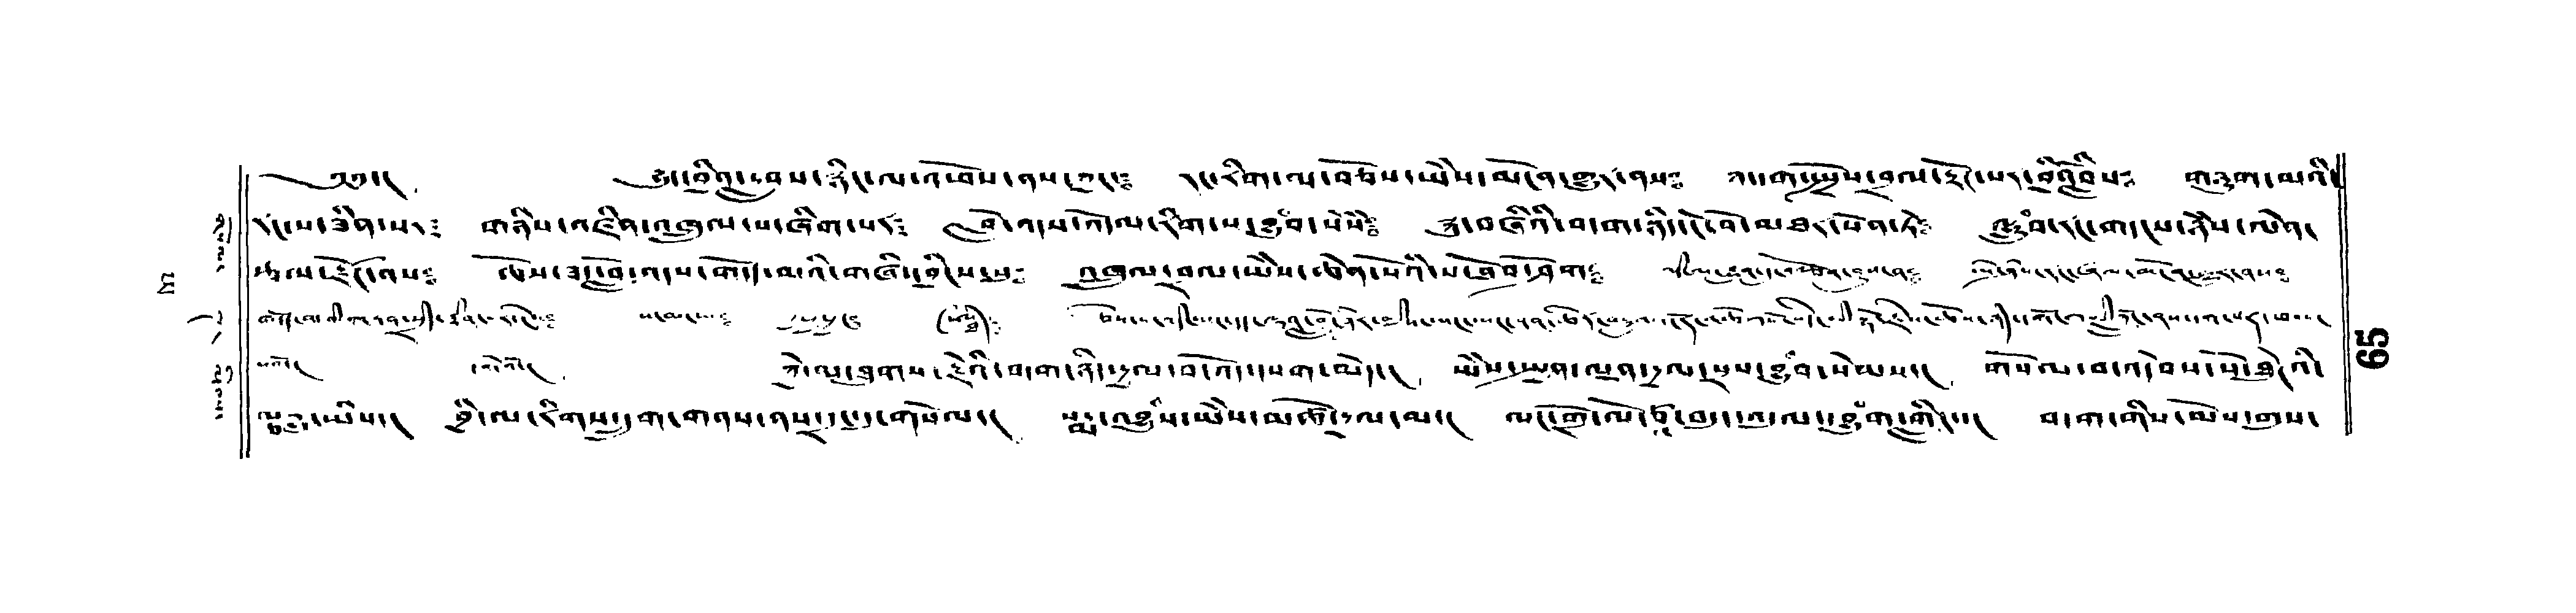རྒྱུད་བྱིན་རླབས་སྙིང་ལ་འཕོས་ནས་ཀྱང༔ རང་རིག་མ་བཅོས་ཡེ་ཤེས་མངོན་གྱུར་ནས༔ ཀ་དག་སྤྲོས་བྲལ་རྟོགས་པར་བྱིན་གྱིས་རློབས༔ གཉུག་མའི་
རང་ས་ཟིན་པར༴ གཉིས་འཛིན་འཁྲུལ་པ་ཞིག་པར༴ བློ་འདས་འོད་གསལ་རིག་པ་བྱང་ཆུབ་སེམས༔ སྐུ་བཞིའི་བདག་ཉིད་ངོ་བོ་མཐར་སོན་ཏེ༔ ལྷུན་གྲུབ་རང་གདངས་ཉམས་ལེན་
རྩལ་རྫོགས་ནས༔ ཆོས་ཟད་བློ་འདས་གདོད་མའི་གཞི་དབྱིངས་སུ༔ འཁྲུལ་བྲལ་ཡེ་ཤེས་ཆེན་པོའི་ས་ཐོབ་ཤོག༔ འདི་ལ་རྒྱུན་དུ་བརྩོན་ནུས་ན༔ ཡེ་ཤེས་རང་ཞལ་མངོན་གྱུར་ནས༔ 
གདོད་མའི་གཏན་སྲིད་ཟིན་པར་ངེས༔ ས་མ་ཡ༔ རྒྱ་རྒྱ་རྒྱ༔ ༔ ཅེས་པ་འདི་ཡང་དད་ལྡན་བློ་ཤེར་གྱིས་ཡང་ཡང་ནན་ཆེར་བསྐུལ་ངོར་འཆོལ་མོ་བདེ་བའི་རྡོ་རྗེས་ཆོས་ཉིད་དགོངས་པའི་ཀློང་ནས་དག་པར་ཕབས་
པའོ།། དགེའོ།། ཀྱེ་མ། ཐུགས་རྗེའི་བདག་ཉིད་རྒྱལ་བ་འོད་དཔག་མེད། །ཡེ་ཤེས་སྤྱན་ལྡན་རྒྱལ་སྲས་བྱང་ཆུབ་སེམས། །གསོལ་བ་འདེབས་སོ་ཐུགས་རྗེའི་
ལྕགས་ཀྱུ་ཡིས། །བྱི་ལ་རིགས་དྲུག་གནས་ནས་དྲང་དུ་གསོལ། །པདྨ་འབྱུང་གནས་ཡེ་ཤེས་མཚོ་རྒྱལ་མ། །ལང་གྲོ་ལོ་ཙཱ་བདུད་འདུལ་དབང་ཕྱུག་གླིང་། །བདག་གིས་མོས་གུས་